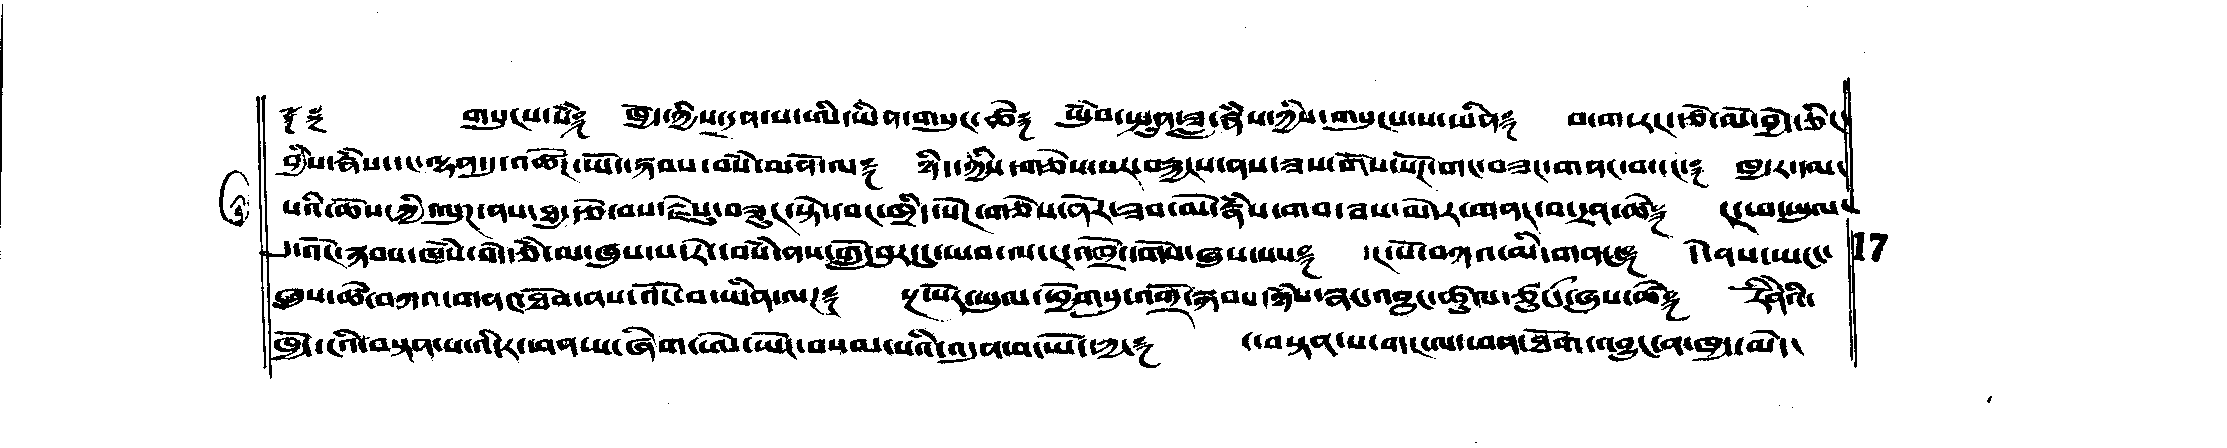གསུངས་སམ། ཁྱོད་ཀྱིས་དྲན་པ་ཨི་ཡིན་གསུང་ཚེ། ཡབ་ཡུམ་སྤུན་ཟླ་རྣམས་ཀྱིས་གསུངས་པ་ཡིན༼མ་ཡིན?༽། བདག་རང་རྩེ་མོ་བྱེད་ཅིང་
བྱིས་པ་རྣམས་དང་ལྷན་དུ་འཚོགས་ཡོད་སྐབས་བསམ་མནོ་ལ། ཉིད་ཀྱིས་གཅེས་པར་བསྐྱངས་ནས་ཟས་གོས་སོགས་གང་བཟང་གནང་བ་དང་། ཁྱད་པར་དམ་
པའི་ཆོས་ཀྱི་ལུགས་ནས་ཐུགས་བརྩེ་བས་རྗེས་སུ་བཟུང་སྟེ་དབང་ཁྲིད་སོགས་གཅེས་ནོར་ཟབ་མོ་རྣམས་གབ་སྦས་མེད་པར་གནང་བ་དྲན་ཚེ། ང་ཕ་ཡུལ་
དུ་འོང་སྐབས་ཁམས་བདེ་ཙམ་མ་ཞུས་པ་རེད་བསམ་ནས་གློ་བུར་དུ་ཡབ་ལ་ང་འགྲོ་དགོས་ཞུས་པས། དང་པོ་བཀའ་མི་གནང་། དེ་ནས་ཡང་ཡང་
ཞུས་ཚེ་བཀའ་གནང་ཐོབ་ནས་འོང་བ་ཡིན་ལགས། སྔ་སོར་ཡུལ་ཕྱོགས་སུ་འགྲོ་སྐབས་ཉམས་སྣང་འབྱུང་ཚུལ་ཅུང་ཟད་ཞུས་ཚེ། རིན་པོ་ཆེས་
ཁྱོད་ངའི་བསྟན་པ་འདིར་ཕན་པ་ཞིག་ཨེ་ཡོང་བསམ་པའི་འདུན་པ་ཡོད་ཀྱང་། ད་བསྟན་པ་གང་ལ་ཕན་ཐོག་འབྱུང་ན་ཡང་ཁྱད་མེད་